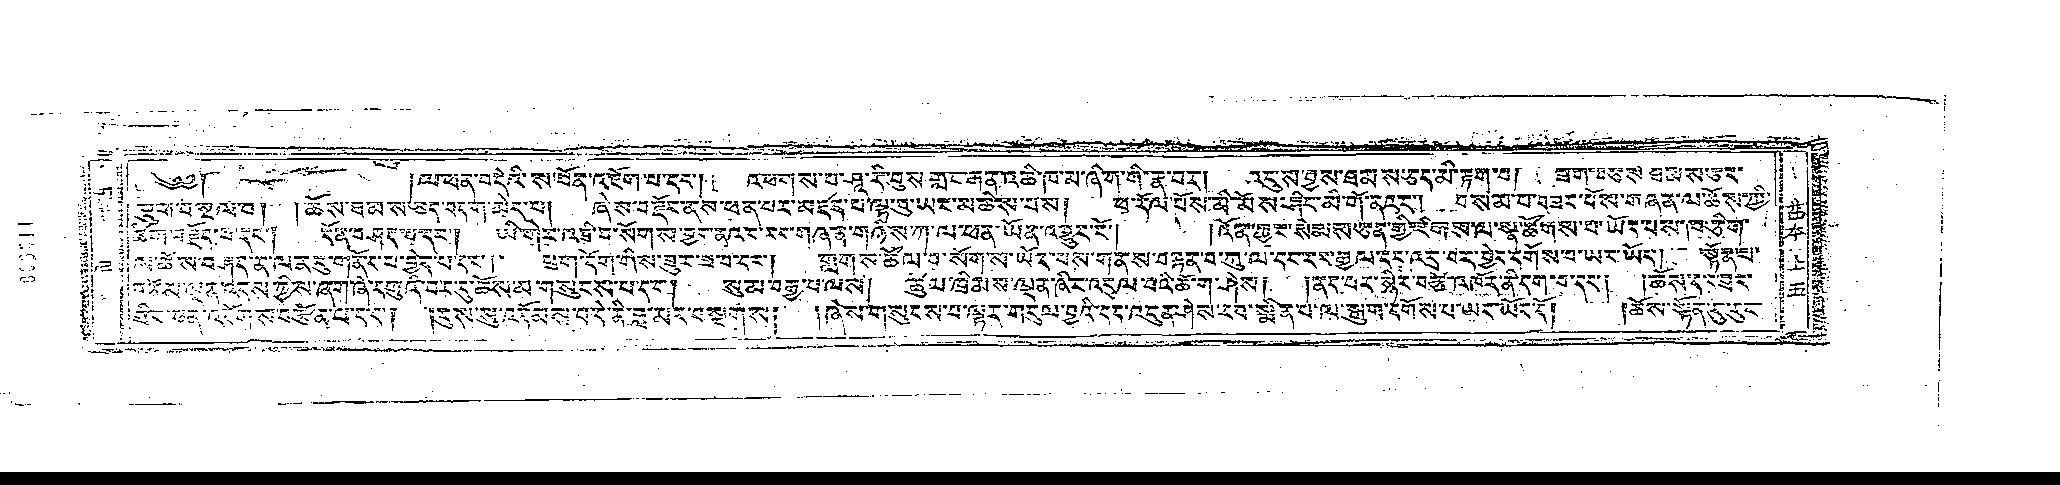༄༅། །ལ་ཕན་བདེའི་ས་བོན་འཇོག་པ་དང་། འཕགས་པ་ཤཱ་རི་བུས་གླང་རྒན་འཆི་ཁམ་ཞིག་གི་རྣ་བར། འདུས་བྱས་ཐམས་ཅད་མི་རྟག་ལ། ཟག་བཅས་ཐམས་ཅད་
སྡུག་བསྔལ་བ། །ཆོས་ཐམས་ཅད་བདག་མེད་པ། ཞེས་བརྗོད་ནས་ཕན་པར་མཛད་བ་ལྟ་བུ་ཡང་མཆིས་པས། ཕ་རོལ་པོས་མི་མོས་ཤིང་མི་གོ་ནའང་། བསམ་པ་བཟང་པོས་གཞན་ལ་ཆོས་ཀྱི་
ཚིག་བརྗོད་པ་དང་། དོན་བཤད་པ་དང་། ཡི་གེར་འབྲི་བ་སོགས་བྱད་ནའང་རང་གཞན་གཉིས་ཀ་ལ་ཕན་ཡོན་འབྱུང་ངོ། །འོན་ཀྱང་སེམས་ཅན་གྱི་རིགས་ལ་སྣ་ཚོགས་པ་ཡོད་པས་ཁ་ཅིག་
ལ་ཆོས་བཤད་ན་ལན་དུ་གནོད་པ་བྱེད་པ་དང་། ཕྲག་དོག་གིས་ཟུར་ཟ་བ་དང་། གླགས་ཚོལ་བ་སོགས་ཡོད་པས་གནས་བརྟན་བ་ཀུ་ལ་དང་རང་རྒྱལ་དང་ཞང་བར་བྱེད་དགོས་པ་ཡང་ཡོད། སྟོན་པ་
བཅོམ་ལྡན་འདས་ཀྱིས་ཞག་ཞེ་དགུའི་བར་དུ་ཆོས་མ་གསུངས་པ་དང་། སུམ་བརྒྱ་པ་ལས། ཚུལ་ཁྲིམས་ལྡན་ཞིང་འདུལ་བའི་ཆེ་གཤེས། །ནད་པར་སྙིང་དང་འཁོར་ནི་དག་པ་དང་། །ཆོས་དང་ཟང་
ཟིང་ཕན་འདོགས་བརྩོན་པ་དང་། །དུས་སུ་འདོམས་པ་དེ་ནི་བླ་མར་བསྔགས། །ཞེས་གསུངས་བ་ལྟར་གདུལ་བྱའི་དང་འདུན་ཤེས་རབ་སྨིན་པ་ལ་སྒུག་དགོས་པ་ཡང་ཡོད་དོ། །ཆོས་སྟོན་དུ་རུང་